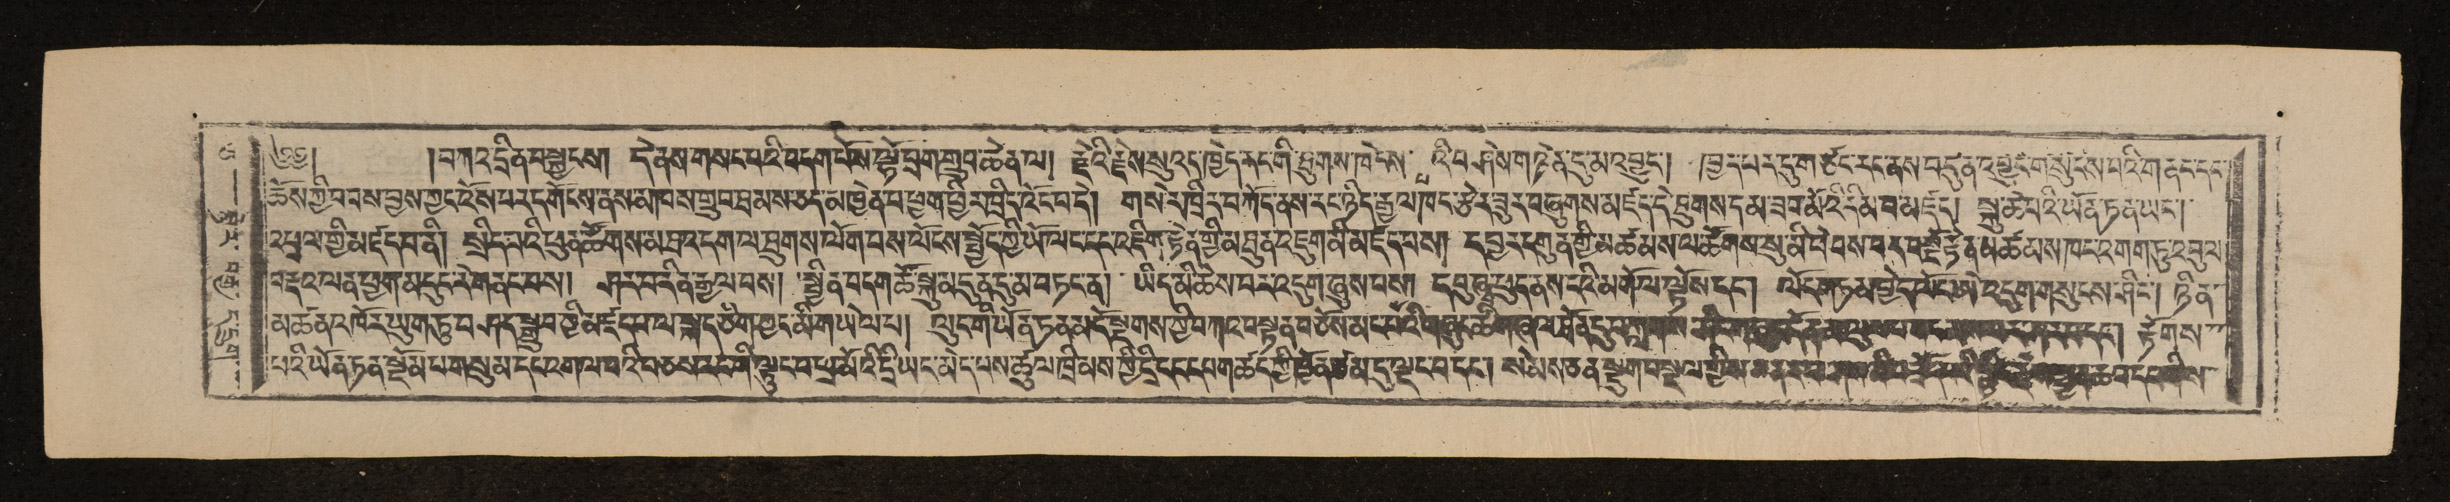༄༅། །བཀའ་དྲིན་བསྐྱངས། དེ་ནས་གསང་བའི་བདག་པོས་ལྷོ་བྲག་གྲུབ་ཆེན་ལ། རྗེའི་རྗེས་སུའང་ཁྱེད་རང་གི་ཐུགས་ཁེངས་པའི་བཤེས་གཉེན་དུ་མ་འབྱུང་། ཁྱད་པར་དུ་གཙང་རང་ནས་བདུན་འབྱུང་གསུངས་པའི་གནད་དང་
ཆོས་ཀྱི་བབས་བྱས་ཀྱང་འོས་པར་དགོངས་ནས་མཁས་གྲུབ་ཐམས་ཅད་མཁྱེན་པ་ཕྱག་ཕྱིར་ཁྲིད་འོང་བ་དེ། གསེར་ཁྲིར་བཀོད་ནས་རང་ཉིད་རྒྱལ་ཁང་རྩེར་ཟུར་བཞུགས་མཛད་དེ་ཐུགས་དམ་ཟབ་མོའི་རིམ་པ་མཛད། སྐུ་ཆེ་བའི་ཡོན་ཏན་ཡང་།
འཕྲལ་གྱི་མཛད་པ་ནི། སྲིད་པའི་ཕུན་ཚོགས་མཐའ་དག་ལ་ཐུགས་ལོག་པས་ལོངས་སྤྱོད་ཀྱི་ཡོ་ལང་དང་འཇིག་རྟེན་གྱི་མཐུན་འཇུག་མི་མཛད་པས། དབྱར་དགུན་གྱི་མཚམས་ལ་ཚོགས་སུ་མི་ཕེབས་པར་བསྔོ་རྟེན་མཚམས་ཁང་འགག་ཏུ་འབུལ་
བརྡའ་ལན་ཕྱག་མདུད་རེ་གནང་བས། ཤར་བ་རིན་རྒྱལ་བས། སྦྱིན་བདག་ཚོ་སྐུ་མདུན་དུ་མ་བཏང་ན། ཡིད་མི་ཆེས་བར་འདུག་ཞུས་པས། དབུ་ཞྭ་ཕུད་ནས་ངའི་མགོ་ལ་ལྟོས་དང་། ལོང་གཏམ་བྱེད་ལོང་ཨེ་འདུག་གསུངས་ཤིང་། ཉིན་
མཚན་འཁོར་ཡུག་ཏུ་བཤད་སྒྲུབ་ཀྱི་མཛད་པ་ལ་སྐད་ཅིག་ཀྱང་མི་གཡེལ་བ། ལུང་གི་ཡོན་ཏན་མདོ་སྔགས་ཀྱི་བཀའ་བསྟན་བཅོས་མང་པོའི་གཞུང་ཚིག་ཞལ་ཐོན་དུ་བཀླགས་ཤིང་གཞུང་དོན་མ་ལུས་བ་གདམས་བར་ཤར་བ་དང་། རྟོགས་
པའི་ཡོན་ཏན་སྡོམ་པ་གསུམ་དང་འགལ་བའི་བཅས་རང་གི་ལྟུང་བ་ཕྲ་མོའི་དྲི་ཡང་མེད་པས་ཚུལ་ཁྲིམས་ཀྱི་དྲི་ངད་དཔག་ཚད་ཀྱི་ཁྱོན་ཙམ་དུ་ལྡང་བ་དང་། སེམས་ཅན་སྡུག་བསྔལ་གྱིས་མནར་བ་ཤས་མི་བཟོད་པའི་སྙིང་རྗེས་སྤྱན་ཆབ་དང་གིས་